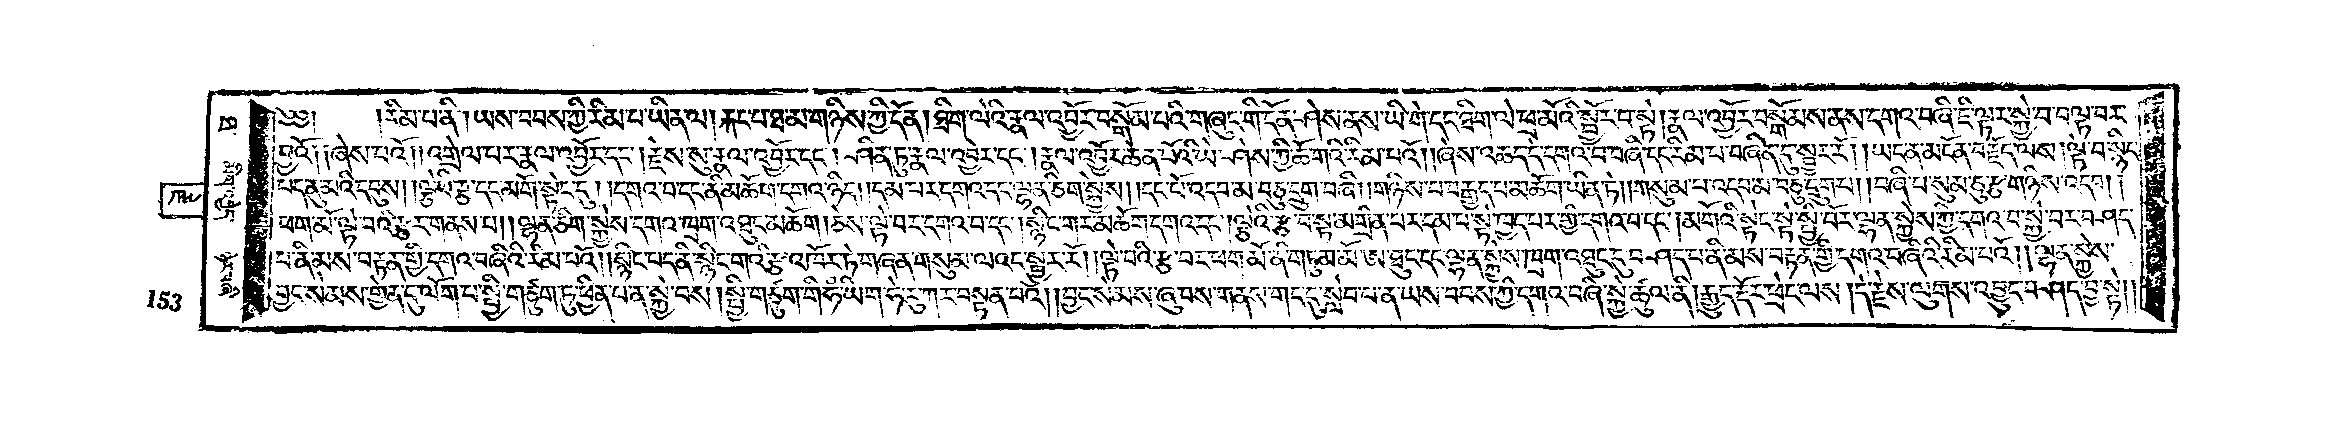༄༅། །རིམ་པ་ནི། ཡས་བབས་ཀྱི་རིམ་པ་ཡིན་ལ། རྐང་པ་ཐ་མ་གཉིས་ཀྱི་དོན། ཐིག་ལེའི་རྣལ་འབྱོར་བསྒོམ་པའི་གཞུང་གི་དོན་ཤེས་ནས་ཡི་གེ་དང་ཐིག་ལེ་ཕྲ་མོའི་སྦྱོར་བ་སྟེ། རྣལ་འབྱོར་བསྒོམས་ནས་དགའ་བཞི་ཇི་ལྟར་སྐྱེ་བ་བལྟ་བར་
བྱའོ། །ཞེས་པའོ། །འགྲེལ་བར་རྣལ་འབྱོར་དང་། རྗེས་སུ་རྣལ་འབྱོར་དང་། ཤིན་ཏུ་རྣལ་འབྱོར་དང་། རྣལ་འབྱོར་ཆེན་པོའི་ཡེ་ཤེས་ཀྱི་ཆོ་གའི་རིམ་པའོ། །ཞེས་འཆད་དེ་དགའ་བ་བཞི་དང་རིམ་པ་བཞིན་དུ་སྦྱར་རོ། །ཡང་ན་མངོན་བརྗོད་ལས། ལྟེ་བ་སྙིང་
པད་ནུ་མའི་དབུས། །ལྕེའི་རྩ་དང་མགོ་སྟེང་དུ། །དགའ་བ་དང་ནི་མཆོག་དགའ་ཉིད། །དམ་པར་དགའ་དང་ལྷན་ཅིག་སྐྱེས། །དང་པོ་འདབ་མ་བཅུ་དྲུག་བཞི། །གཉིས་པ་བརྒྱད་པ་མཆོག་ཡིན་ཏེ། །གསུམ་པ་འདབ་མ་བཅུ་དྲུག་པ། །བཞི་པ་སུམ་ཅུ་རྩ་གཉིས་འདབ། །
ཕག་མོ་ལྟེ་བའི་རྩར་གནས་པ། །ལྷན་ཅིག་སྐྱེས་དགའ་ཁྲག་འཐུང་མཆོག །ཅེས་ལྟེ་བར་དགའ་བ་དང་། སྙིང་གར་མཆོག་དགའ་དང་། ལྕེའི་རྩ་བ་སྟ་མགྲིན་པར་དམ་པ་སྟེ་ཁྱད་པར་གྱི་དགའ་བ་དང་། མགོའི་སྟེང་སྟེ་སྤྱི་བོར་ལྷན་སྐྱེས་ཀྱི་དགའ་བ་སྐྱེ་བར་བཤད་
པ་ནི་མས་བརྟན་གྱི་དགའ་བཞིའི་རིམ་པའོ། །སྙིང་པད་ནི་སྙིང་གའི་རྩ་འཁོར་ཏེ་གཞན་གསུམ་ལའང་སྦྱར་རོ། །ལྟེ་བའི་རྩ་བར་ཕག་མོ་ནི་གཏུམ་མོ་ཨ་ཐུང་དང་ལྷན་སྐྱེས་ཁྲག་འཐུང་དུ་བཤད་པ་ནི་མས་བརྟན་གྱི་དགའ་བཞིའི་རིམ་པའོ། །ལྷན་སྐྱེས་
བྱང་སེམས་གྱེན་དུ་ལོག་པ་སྤྱི་གཙུག་ཏུ་ཕྱིན་པ་ན་སྐྱེ་བས། སྤྱི་གཙུག་གི་ཧཾ་ཡིག་ཧེ་རུ་ཀར་བསྟན་པའོ། །བྱང་སེམས་ཞུ་བས་གནས་གང་དུ་སླེབ་པ་ན་ཡས་བབས་ཀྱི་དགའ་བཞི་སྐྱེ་ཚུལ་ནི། རྒྱུད་རྡོར་ཕྲེང་ལས། དེ་རྗེས་ལུགས་འབྱུང་བཤད་བྱ་སྟེ། །